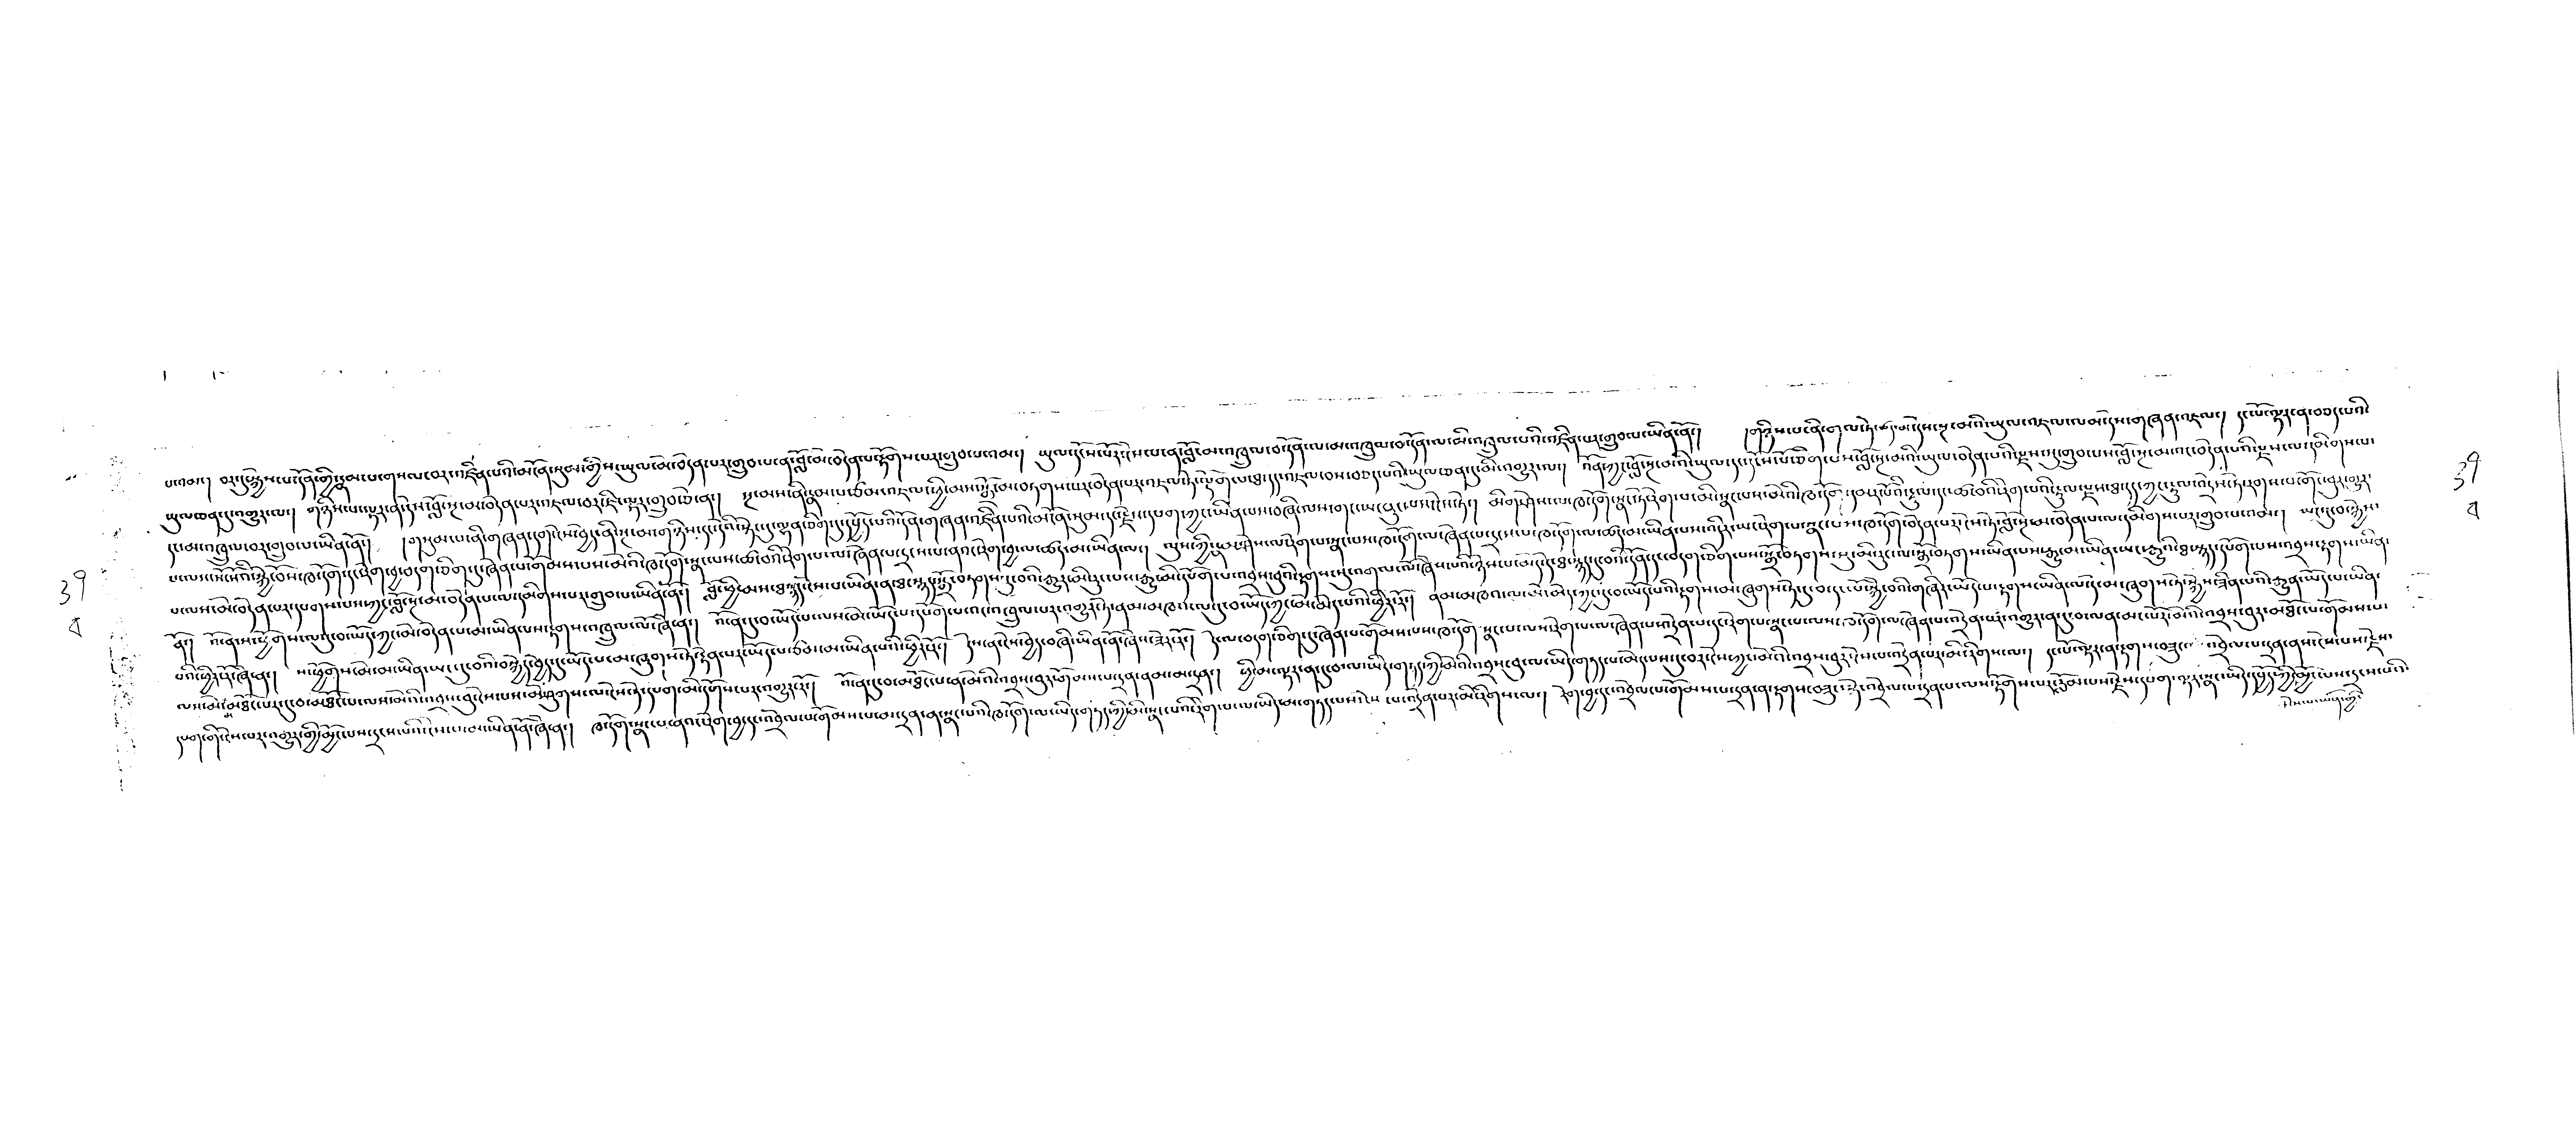པ་འམ། བར་དུ་སྐྱེས་པ་དོན་གྱི་རྣམ་པ་གསལ་བར་འཛིན་པའི་མངོན་སུམ་གྱིས་ཡུལ་མེ་བདེན་པར་གྲུབ་པ་ན་བློ་མེ་བདེན་པ་རྟོགས་པར་གྲུབ་པ་འམ། ཡུལ་དངོས་པོར་ངེས་པ་ན་བློ་མ་འཁྲུལ་བ་དོན་ལ་མ་འཁྲུལ་བ་དོན་ལ་མི་འཁྲུལ་པའི་འཛིན་པར་གྲུབ་པ་ཡིན་ནོ། །གཉིས་པ་ནི་གལ་ཏེ་ཚད་མ་དེས་སྔ་མའི་ཡུལ་འཇལ་ལམ་དེས་གཞན་འཇལ། དང་པོ་ལྟར་ན་བཅད་པའི་
ཡུལ་ཅན་དུ་འགྱུར་ལ། གཉིས་པ་ལྟར་ན་དེས་བློ་སྔ་མ་བདེན་པར་འཇལ་བར་ཇི་ལྟར་གྲུབ་ཅེ་ན། སྔ་མས་ནི་རྣམ་པ་ཙམ་འཇལ་ཕྱི་མས་སྒྲོ་མ་བཏགས་པར་བདེན་པར་འཇལ་ཏེ་ལྡོག་པ་ཐ་དད་འཇལ་བས་བཅད་པའི་ཡུལ་ཅན་དུ་མི་འགྱུར་ལ། འོན་ཀྱང་བློ་སྔ་མའི་ཡུལ་དང་དངོས་པོ་ཅིག་པས་བློ་སྔ་མའི་ཡུལ་བདེན་པའི་རྫས་སུ་གྲུབ་པས་བློ་སྔ་མ་འང་བདེན་པའི་རྫས་ལ་དམིགས་པ་
དང་མ་འཁྲུལ་བར་གྲུབ་པ་ཡིན་ནོ། །གསུམ་པ་ནི་གཞན་དག་ངེས་བྱེད་ནི་སྔ་མ་གཉིས་དང་དེའི་སྟེང་དུ་ལྷན་ཅིག་དུ་དཔྱོད་པའི་དོན་གཞན་འཛིན་པའི་མངོན་སུམ་དང་རྗེས་དཔག་ཀྱང་ཡིན་པས་བཞི་ལས་གང་ཡང་རུང་པས་ངེས་ཏེ། མིག་ཤེས་ལ་ཁ་དོག་སྣང་ཏེ་རེག་པ་མི་སྣང་པས་མེའི་ཁ་དོག་དམར་པོའི་རྡུལ་དང་ཚ་བའི་རེག་པའི་རྡུལ་རྫས་ཐ་དད་ཀྱང་རྡུལ་འདྲེས་ཏེ་རགས་པ་གོང་བུར་གྱུར་
པ་ལས་སོ་སོའི་སྐྱེ་བོས་ཁ་དོག་དང་རེག་བྱ་བདག་ཅིག་དུ་ཞེན་པ་གོམས་པས་མེའི་ཁ་དོག་སྣང་པས་ཚ་བའི་རེག་པ་ལ་ཞེན་པ་དྲངས་པ་ནའང་རེག་བྱ་ལ་ཚད་མ་ཡིན་ལ། ལུས་ཀྱི་རྣམ་ཤེས་ལ་རེག་པ་སྣང་པས་ཁ་དོག་ལ་ཞེན་པ་དྲངས་པ་ཁ་དོག་ལ་ཚད་མ་ཡིན་པས་འདིར་ཡང་རེག་པ་སྣང་པས་ཁ་དོག་བདེན་པར་ངེས་ཏེ་བློ་སྔ་མ་བདེན་པ་ལ་དམིགས་པར་གྲུབ་པ་འམ། ཡང་དུ་བ་སྐྱེས་
པ་ལས་མེ་བདེན་པར་དཔགས་པས་ཀྱང་བློ་སྔ་མ་བདེན་པ་ལ་དམིགས་པར་གྲུབ་པ་ཡིན་ནོ། བློ་ཕྱི་མས་ཐ་སྙད་ངེས་པ་ཡིན་ན་ཐ་སྙད་སྒྲོ་བཏགས་དུ་བའི་རྒྱུར་མི་རུང་པས་རྒྱུ་མི་དཔོག་པ་འབྲས་བུའི་རྟགས་སུ་འགལ་ལོ་ཞེས་པའི་ཉེས་པ་མེད་དོ་ཐ་སྙད་དུ་བའི་དོན་དང་བདག་ཅིག་པས་སྒྲོ་བཏགས་སུ་མི་རུང་ལ་སྒྲོ་བཏགས་ཡིན་པས་རྒྱུ་མ་ཡིན་ཡང་རྒྱུའི་ཐ་སྙད་དཔོག་པས་འབྲས་རྟགས་ཡིན་
ནོ། འོ་ན་ས་ཕྱོགས་ལ་དུ་བ་ཡོད་ཀྱང་མེ་བདེན་པ་མ་ཡིན་པས་རྟགས་འཁྲུལ་ལོ་ཞེ་ན། འོ་ན་དུ་བ་ཡོད་པ་ལས་མེ་ཡོད་པ་དཔོག་པ་འང་འཁྲུལ་པར་འགྱུར་ཏེ་ནམ་མཁའ་ལ་དུ་བ་ཡོད་ཀྱང་མེ་མེད་པའི་ཕྱིར་རོ། ནམ་མཁའ་ལ་མེ་མེད་ཀྱང་དུ་བ་ཡོད་པའི་རྟགས་མ་ཞུགས་ཏེ་དུ་བ་དང་པོ་སྐྱེ་བའི་གཞིར་ཡོད་པ་རྟགས་ཡིན་ལ་དེ་མ་ཞུགས་ཏེ་སྐྱེས་ཟིན་པའི་རྒྱུན་ཡོད་པ་ཡིན་
པའི་ཕྱིར་རོ་ཞེ་ན། ས་ཕྱོགས་མེ་མ་ཡིན་ཡང་དུ་བའི་བསྐྱེད་བྱེད་དུ་ཡོད་པ་མ་ཞུགས་ཏེ་རྟེན་པར་ཡོད་པ་ཙམ་མ་ཡིན་པའི་ཕྱིར་རོ། དེས་ན་ངེས་བྱེད་བཞི་ཡིན་ནོ་ཞེས་ཟེར་རོ། དེ་ལ་བདག་ཅིག་དུ་ཞེན་པ་གོམས་པས་ཁ་དོག་སྣང་པ་ལས་རེག་པ་ལ་ཞེན་པ་འདྲེན་པ་དང་རེག་པ་སྣང་པ་ལས་ཁ་དོག་ལ་ཞེན་པ་འདྲེན་པར་འགྱུར་ན་དུ་བ་ལན་མང་པོར་མེའི་འབྲས་བུར་མཐོང་པ་གོམས་པ་
ལས་མེ་མ་མཐོང་པར་དུ་བ་མཐོང་པ་ལས་མེའི་འབྲས་བུ་ངེས་པས་མེ་ཤུགས་ལ་ངེས་དེ་དཔག་མི་དགོས་པར་འགྱུར་རོ། འོ་ན་དུ་བ་མཐོང་པ་ན་མེའི་འབྲས་བུར་གོམས་པ་དྲན་ནམ་མ་དྲན། ཕྱི་མ་ལྟར་ན་དུ་བ་ལ་ཡིད་གཏད་ཀྱི་མེའི་འབྲས་བུ་ལ་ཡིད་གཏད་པ་མེད་པས་དུ་བར་ངེས་ཀྱང་མེའི་འབྲས་བུར་ངེས་པ་འདྲེན་པར་མི་རིགས་ལ། དང་པོ་ལྟར་ན་རྟགས་བཟུང་འབྲེལ་པ་དྲན་ནས་ངེས་པས་རྗེས་
དཔག་གི་ངེས་པར་འགྱུར་གྱི་མྱོང་པས་དྲངས་པའི་ངེས་པ་མ་ཡིན་ནོ་ཞེ་ན། ཁ་དོག་སྣང་པ་ནའང་རེག་བྱ་དང་འབྲེལ་པ་གོམས་པ་མ་དྲན་ན་སྣང་པའི་ཁ་དོག་ལ་ཡིད་གཏད་ཀྱི་མི་སྣང་པའི་རེག་པ་ལ་ཡིད་མ་གཏད་པས་ངེས་པ་འདྲེན་པར་མི་རིགས་ལ། རེག་བྱ་དང་འབྲེལ་པ་གོམས་པ་དྲན་ན་རྟགས་བཟུང་སྟེ་འབྲེལ་པ་དྲན་པ་ལས་རྟོགས་པར་རློམ་པས་རྗེས་དཔག་ལྟར་སྣང་ཡིད་དཔྱོད་ཀྱི་ངེས་པ་ཡན?་གྱི་མྱོང་པས་དྲངས་པའི་